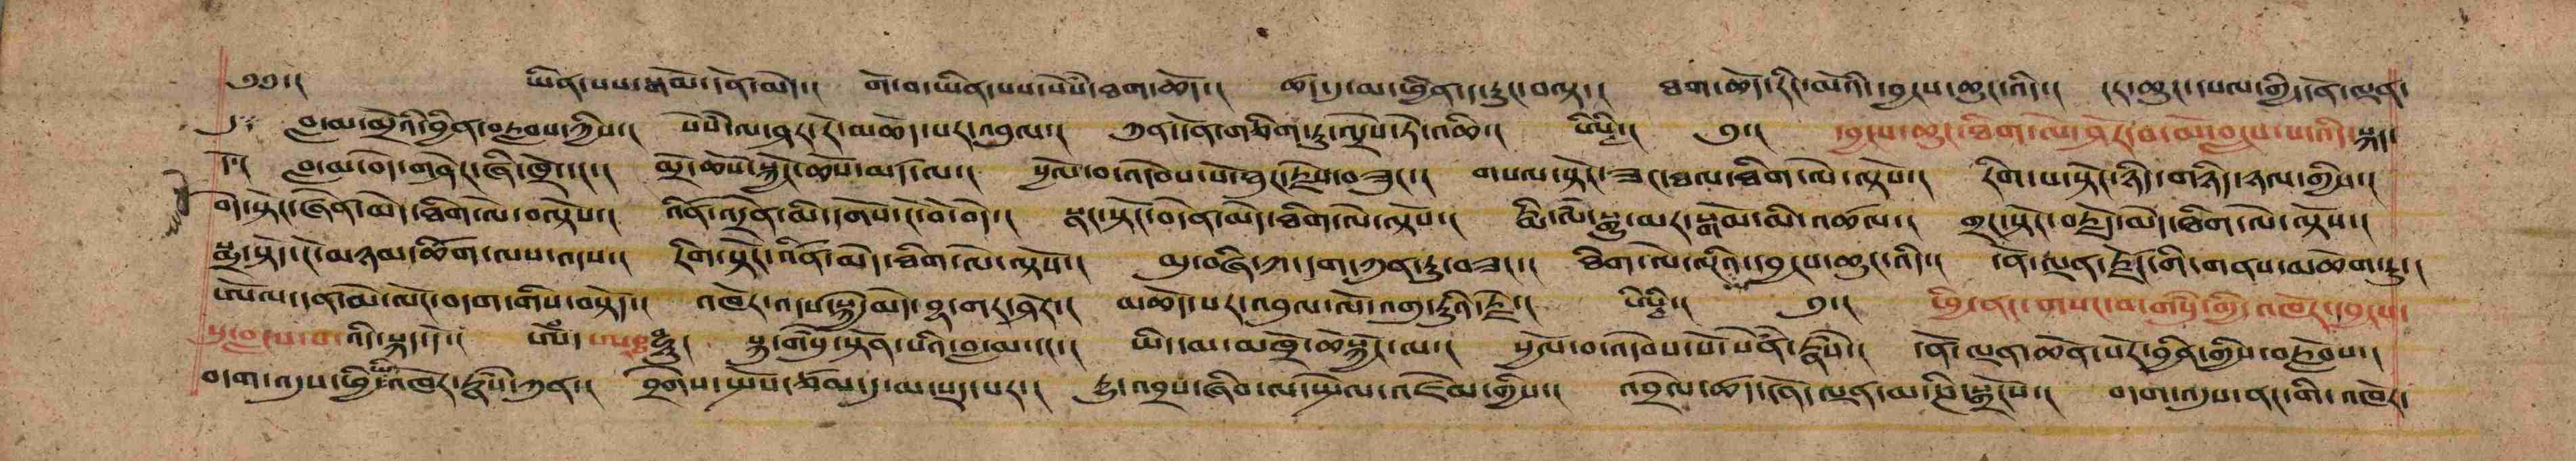ཡིན་པས་སྒོམ་དོན་མེད།། གོ་བ་ཡིན་པས་སེམས་ཐག་ཆོད།། ཚད་དུ་མ་ཕྱིན་ད་རུང་བལྟ།། ཐག་ཆོད་རིང་མོའི་དབྱངས་ཆུང་འདི།། ངར་ཆུང་དཔལ་གྱི་དོན་ལྡན་
དུ།། བླ་མ་མཁའ་འགྲོའི་བྱིན་རླབས་ཀྱིས།། སེམས་ལ་ཤར་རོ་མཆོད་པར་འབུལ།། ཀུན་དོན་གཅིག་ཏུ་འདྲེས་ཏེ་འཆི།། ཨིཊི།། ༄་། དབྱངས་ཆུང་ཐིག་ལེ་ཤོར་བ་མོ་བླངས་པ་འདི་སྐད་
དོ།། བླ་མ་བདེར་གཤེགས་ཞི་ཁྲོ་དང་།། མཁའ་འགྲོ་ཆོས་སྐྱོང་ཆོས་མཛད་ལ།། གསོལ་བ་འདེབས་སོ་ཐུགས་རྗེས་ཟུངས།། གསལ་སྟོང་ཟང་ཐལ་ཐིག་ལེ་ལྟོས།། རིག་པ་སྟོང་ཉིད་གཉིས་ཉལ་གྱིས། 
བདེ་སྟོང་ཞེན་མེད་ཐིག་ལེ་བལྟོས། འཛིན་འདྲེན་མེད་དགོས་ངོ་བོ་བདེ། སྣང་སྟོང་བདེན་མེད་ཐིག་ལེ་ལྟོས། རྨི་ལམ་སྒྱུ་མར་སྒོམ་མི་འཚལ། གྲགས་སྟོང་བརྗོད་མེད་ཐིག་ལེ་ལྟོས། 
སྨྲ་སྟོད་ངོ་མཉམ་ཚིག་ལས་འདས། རིག་སྟོང་འཛིན་མེད་ཐིག་ལར་ལྟོས། མུ་བཞི་ཀ་དག་ཀུན་ཏུ་བཟང་།། ཐིག་ལེ་ལྔའི་དབྱངས་ཆུང་འདི།། དོན་ལྡན་རྫོང་གི་གནས་མཆོག་ཏུ།། 
ཨོལ་དན་མེ་ལོང་བདག་གིས་བསྟོད།། འཁོར་འདས་སྐྱེ་མེད་བྷ་གར་ཤོར།། མཆོད་པར་འབུལ་ལོ་འགུ་རུའི་རྗེ།། ཨིཊི།། ༄་། ཕྱི་ནང་གསང་བ་གསུམ་གྱི་འཁོར་དབྱངས་
སུ་བླངས་པ་འདི་སྐད་དོ།། ཨོཾ་ཨཱཿཧཱུཾ། སྐུ་གསུམ་སྟོན་པའི་བླ་མ་དང་།། ཡིད་དམ་མཁའ་འགྲོ་ཆོས་སྐྱོང་ལ།། གསོལ་བ་འདེབས་སོ་སེམས་ཅན་རྣམས།། དོན་ལྡན་ཆེན་པོར་བྱིན་གྱིས་བརློབས།། 
བདག་འདུས་ཕྱི་ཡི་འཁོར་རྣམས་ཀུན།། བྲེགས་སྤོས་ཙམ་དུ་མ་བསྡད་པར།། རྒྱུ་འབྲས་ཞིབ་ལ་སྤེལ་འཛོམ་གྱིས།། འབྲེལ་ཚད་དོན་ལྡན་མ་ཎི་སྒྲོངས།། བདག་འདུས་ནང་གི་འཁོར་